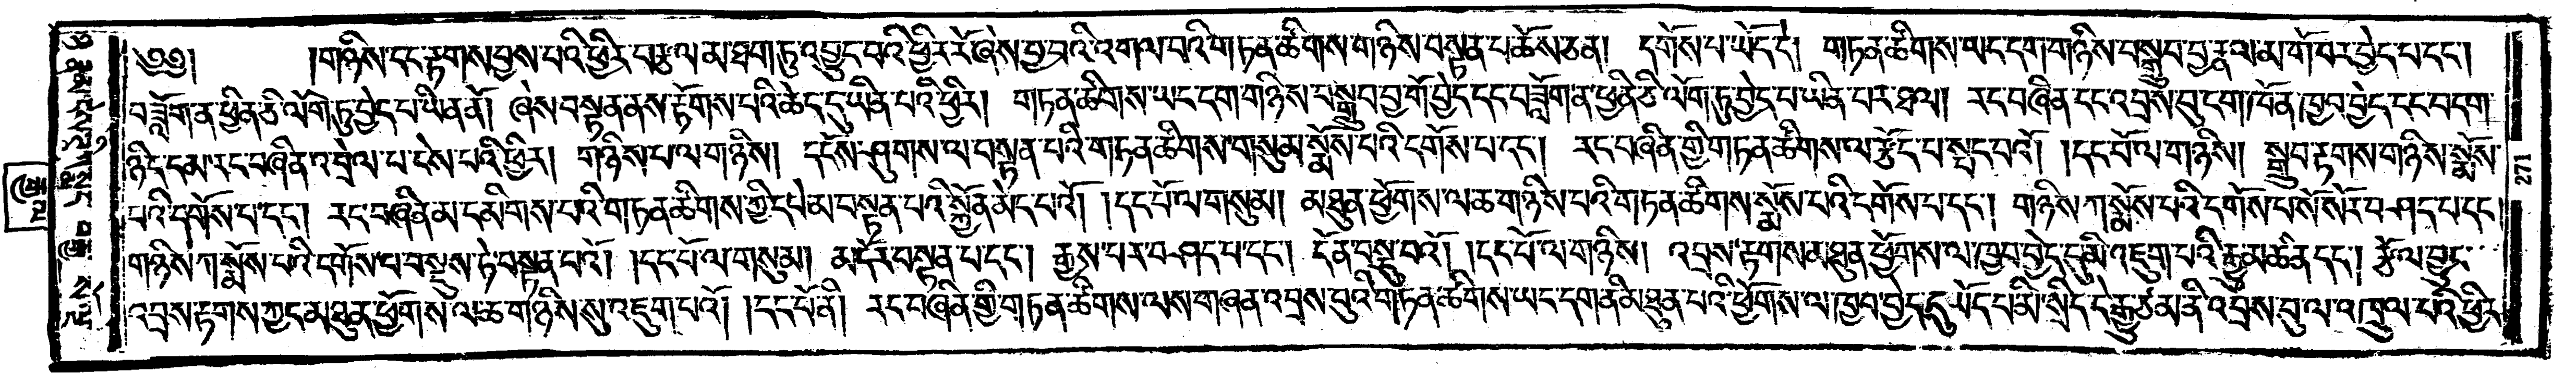༄༅། །གཉིས་དང་རྟགས་བྱས་པའི་ཕྱིར་བརྩལ་མ་ཐག་ཏུ་འབྱུང་བའི་ཕྱིར་རོ་ཞེས་བྱ་བའི་འགལ་བའི་གཏན་ཚིགས་གཉིས་བསྟན་པ་ཆོས་ཅན། དགོས་པ་ཡིན་དེ། གཏན་ཚིགས་ཡང་དག་གཉིས་བསྒྲུབ་བྱ་རྣལ་མ་གོ་བར་བྱེད་པ་དང་།
བཟློག་ན་ཕྱིན་ཅི་ལོག་ཏུ་བྱེད་པ་ཡིན་ནོ། ཞེས་བསྟན་ནས་རྟོགས་པའི་ཆེད་དུ་ཡིན་པའི་ཕྱིར། གཏན་ཚིགས་ཡང་དག་གཉིས་བསྒྲུབ་བྱ་གོ་བྱེད་དང་བཟློག་ན་ཕྱིན་ཅི་ལོག་ཏུ་བྱེད་པ་ཡིན་པར་ཐལ། རང་བཞིན་དང་འབྲས་བུ་ངག་ཁོ་ན་ཁྱབ་བྱེད་དང་བདག་
ཉིད་དམ་རང་བཞིན་འབྲེལ་པ་ངེས་པའི་ཕྱིར། གཉིས་པ་ལ་གཉིས། དངོས་ཤུགས་ལ་བསྟན་པའི་གཏན་ཚིགས་གསུམ་སྨོས་པའི་དགོས་པ་དང་། རང་བཞིན་གྱི་གཏན་ཚིགས་ལ་རྩོད་པ་སྤང་པའོ། །དང་པོ་ལ་གཉིས། སྒྲུབ་རྟགས་གཉིས་སྨོས་
པའི་དགོས་པ་དང་། རང་བཞིན་མ་དམིགས་པའི་གཏན་ཚིགས་ཀྱི་དཔེ་མ་བསྟན་པའི་སྐྱོན་མེད་པའོ། །དང་པོ་ལ་གསུམ། མཐུན་ཕྱོགས་ལ་ཆ་གཉིས་པའི་གཏན་ཚིགས་སྨོས་པའི་དགོས་པ་དང་། གཉིས་ཀ་སྨོས་པའི་དགོས་པ་སོ་སོར་བཤད་པ་དང་།
གཉིས་ཀ་སྨོས་པའི་དགོས་པ་བསྡུས་ཏེ་བསྟན་པའོ། །དང་པོ་ལ་གསུམ། མདོར་བསྟན་པ་དང་། རྒྱས་པར་བཤད་པ་དང་། དོན་བསྡུ་བའོ། །དང་པོ་ལ་གཉིས། འབྲས་རྟགས་མཐུན་ཕྱོགས་ལ་ཁྱབ་བྱེད་དུ་མི་འཇུག་པའི་རྒྱུ་མཚན་དང་། རྩོལ་བྱུང་
འབྲས་རྟགས་ཀྱང་མཐུན་ཕྱོགས་ལ་ཆ་གཉིས་སུ་འཇུག་པའོ། །དང་པོ་ནི། རང་བཞིན་གྱི་གཏན་ཚིགས་ལས་གཞན་འབྲས་བུའི་གཏན་ཚིགས་ཡང་དག་ནི་མཐུན་པའི་ཕྱོགས་ལ་ཁྱབ་བྱེད་དུ་ཡོངས་པ་མི་སྲིད་དེ་རྒྱུ་ཙམ་ནི་འབྲས་བུ་ལ་འཁྲུལ་པའི་ཕྱིར་